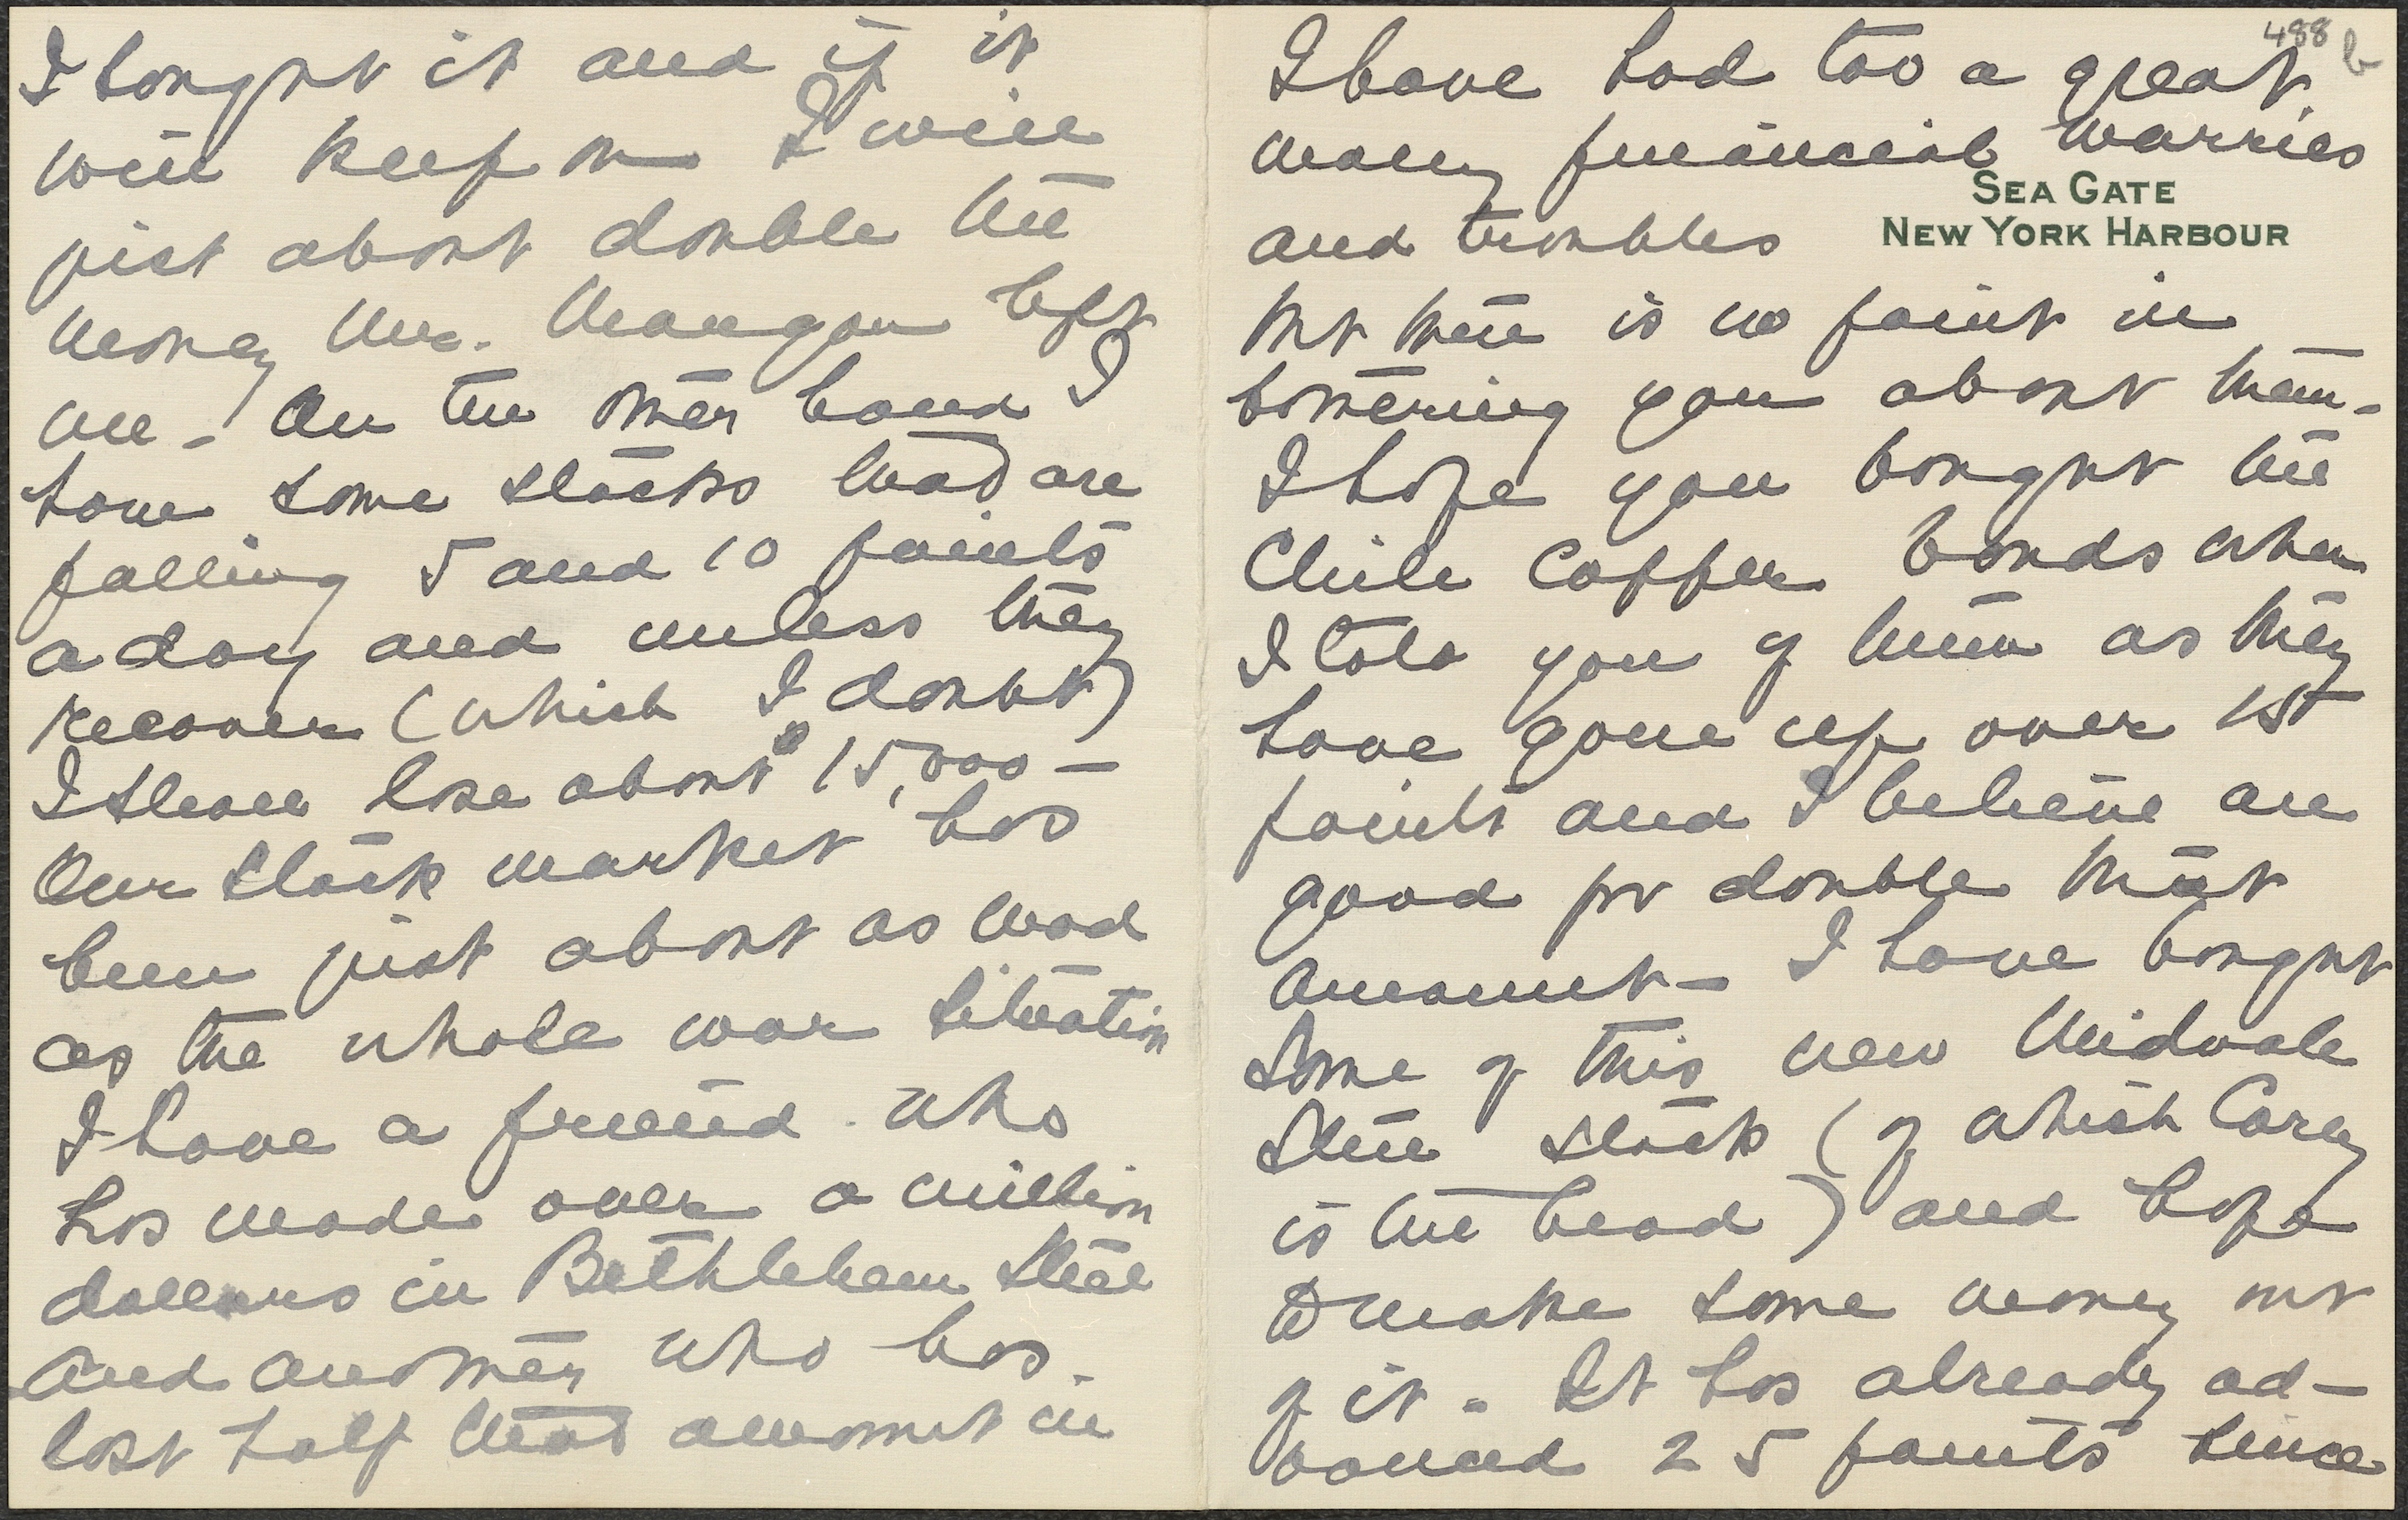I have had too a great many financial worries and troubles but there is no point in bothering you about them – I hope you bought the Chile Copper bonds when I told you of them as they have gone up over 15 points and I believe are good for double that amount – I have bought some of this new Midvale steel stock (of which Carey is the head) and hope to make some money out of it – It has already advanced 25 points since
I bought it and if it will keep on I will just about double the money Mr. Morgan left me – On the other hand I have some stocks that are falling 5 and 10 points a day and unless they recover (which I doubt) I shall lose about $15,000 – Our stock market has been just about as mad as the whole war situation I have a friend who has made over a million dollars in Bethlehem Steel and another who has lost half that amount in